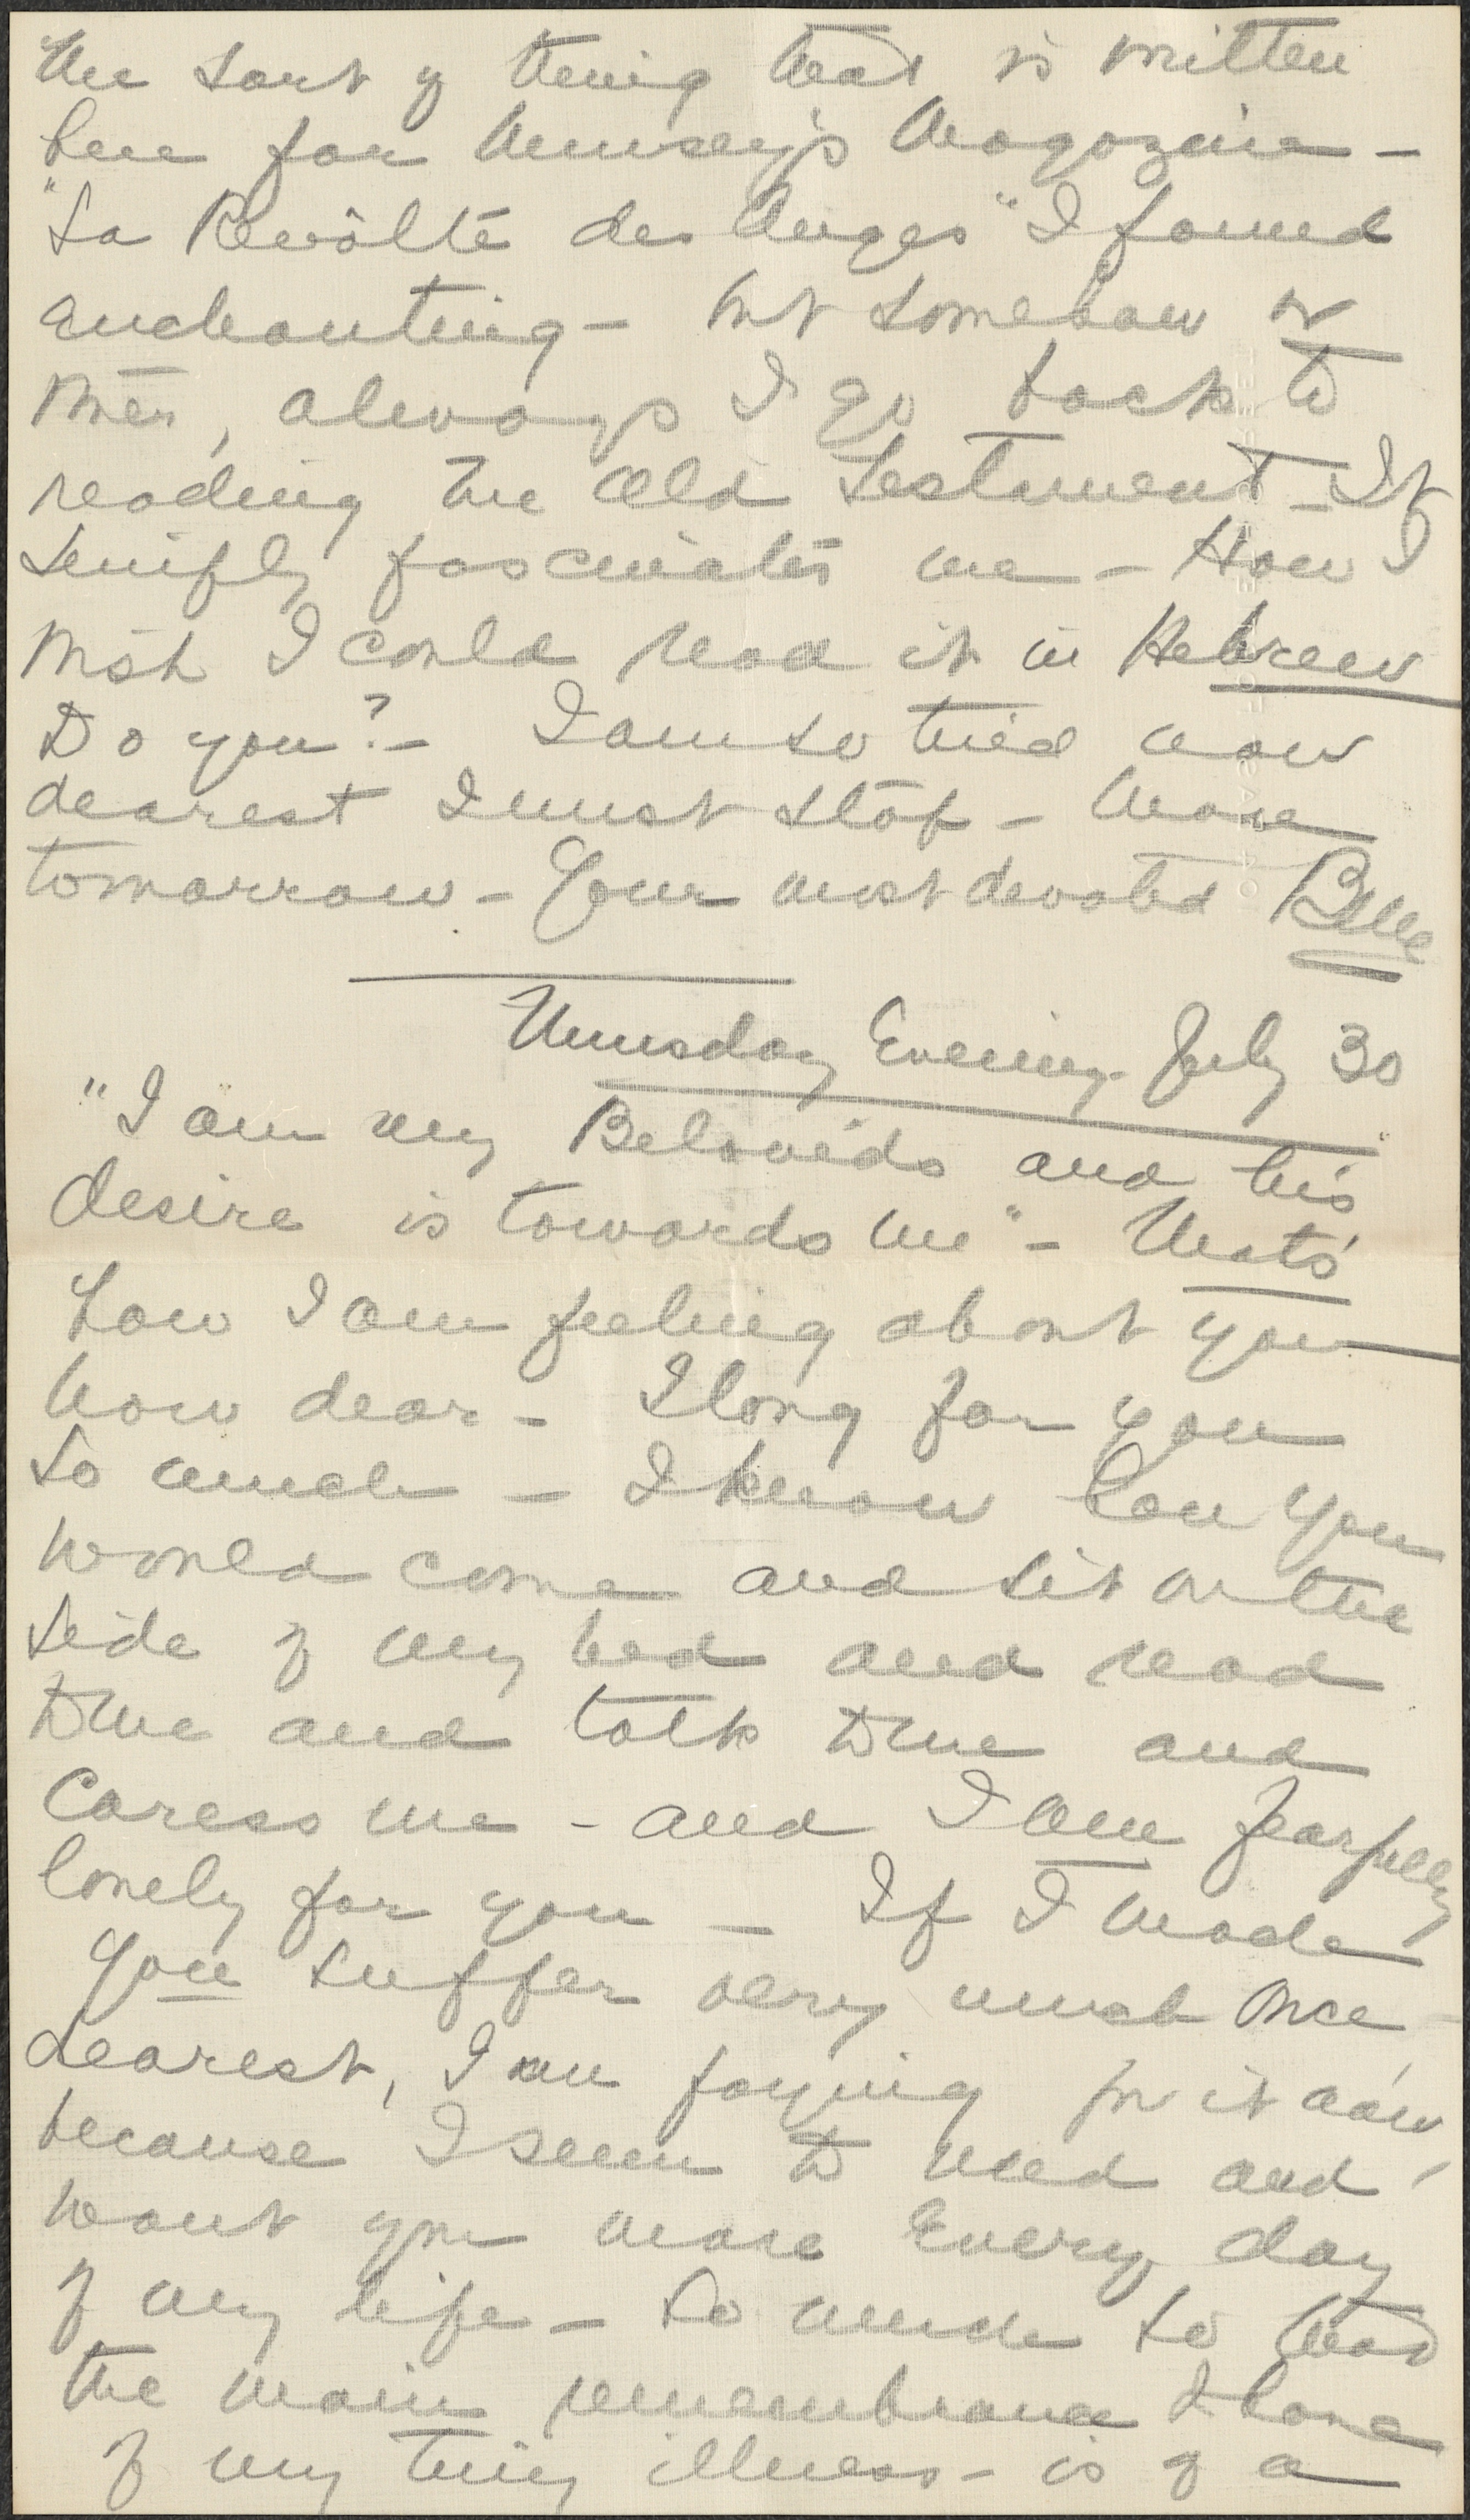The sort of thing that is written here for Munsey’s Magazine – “La Revôlte [sic] des Anges” I found enchanting – but somehow or other, always I go back to reading the Old Testament – It simply fascinates me – How I wish I could read it in Hebrew Do you? – I am so tired now dearest I must stop – more tomorrow – Your most devoted Belle
Thursday Evening – July 30
“I am my Beloved’s and his desire is towards me” – That’s how I am feeling about you now dear – I long for you so much – I know how you would come and sit on the side of my bed and read to me and talk to me and caress me – and I am fearfully lonely for you – If I made you suffer very much once dearest, I am paying for it now, because I seem to need and want you more every day of my life – so much so that the main remembrance I have of my tiny illness – is of a